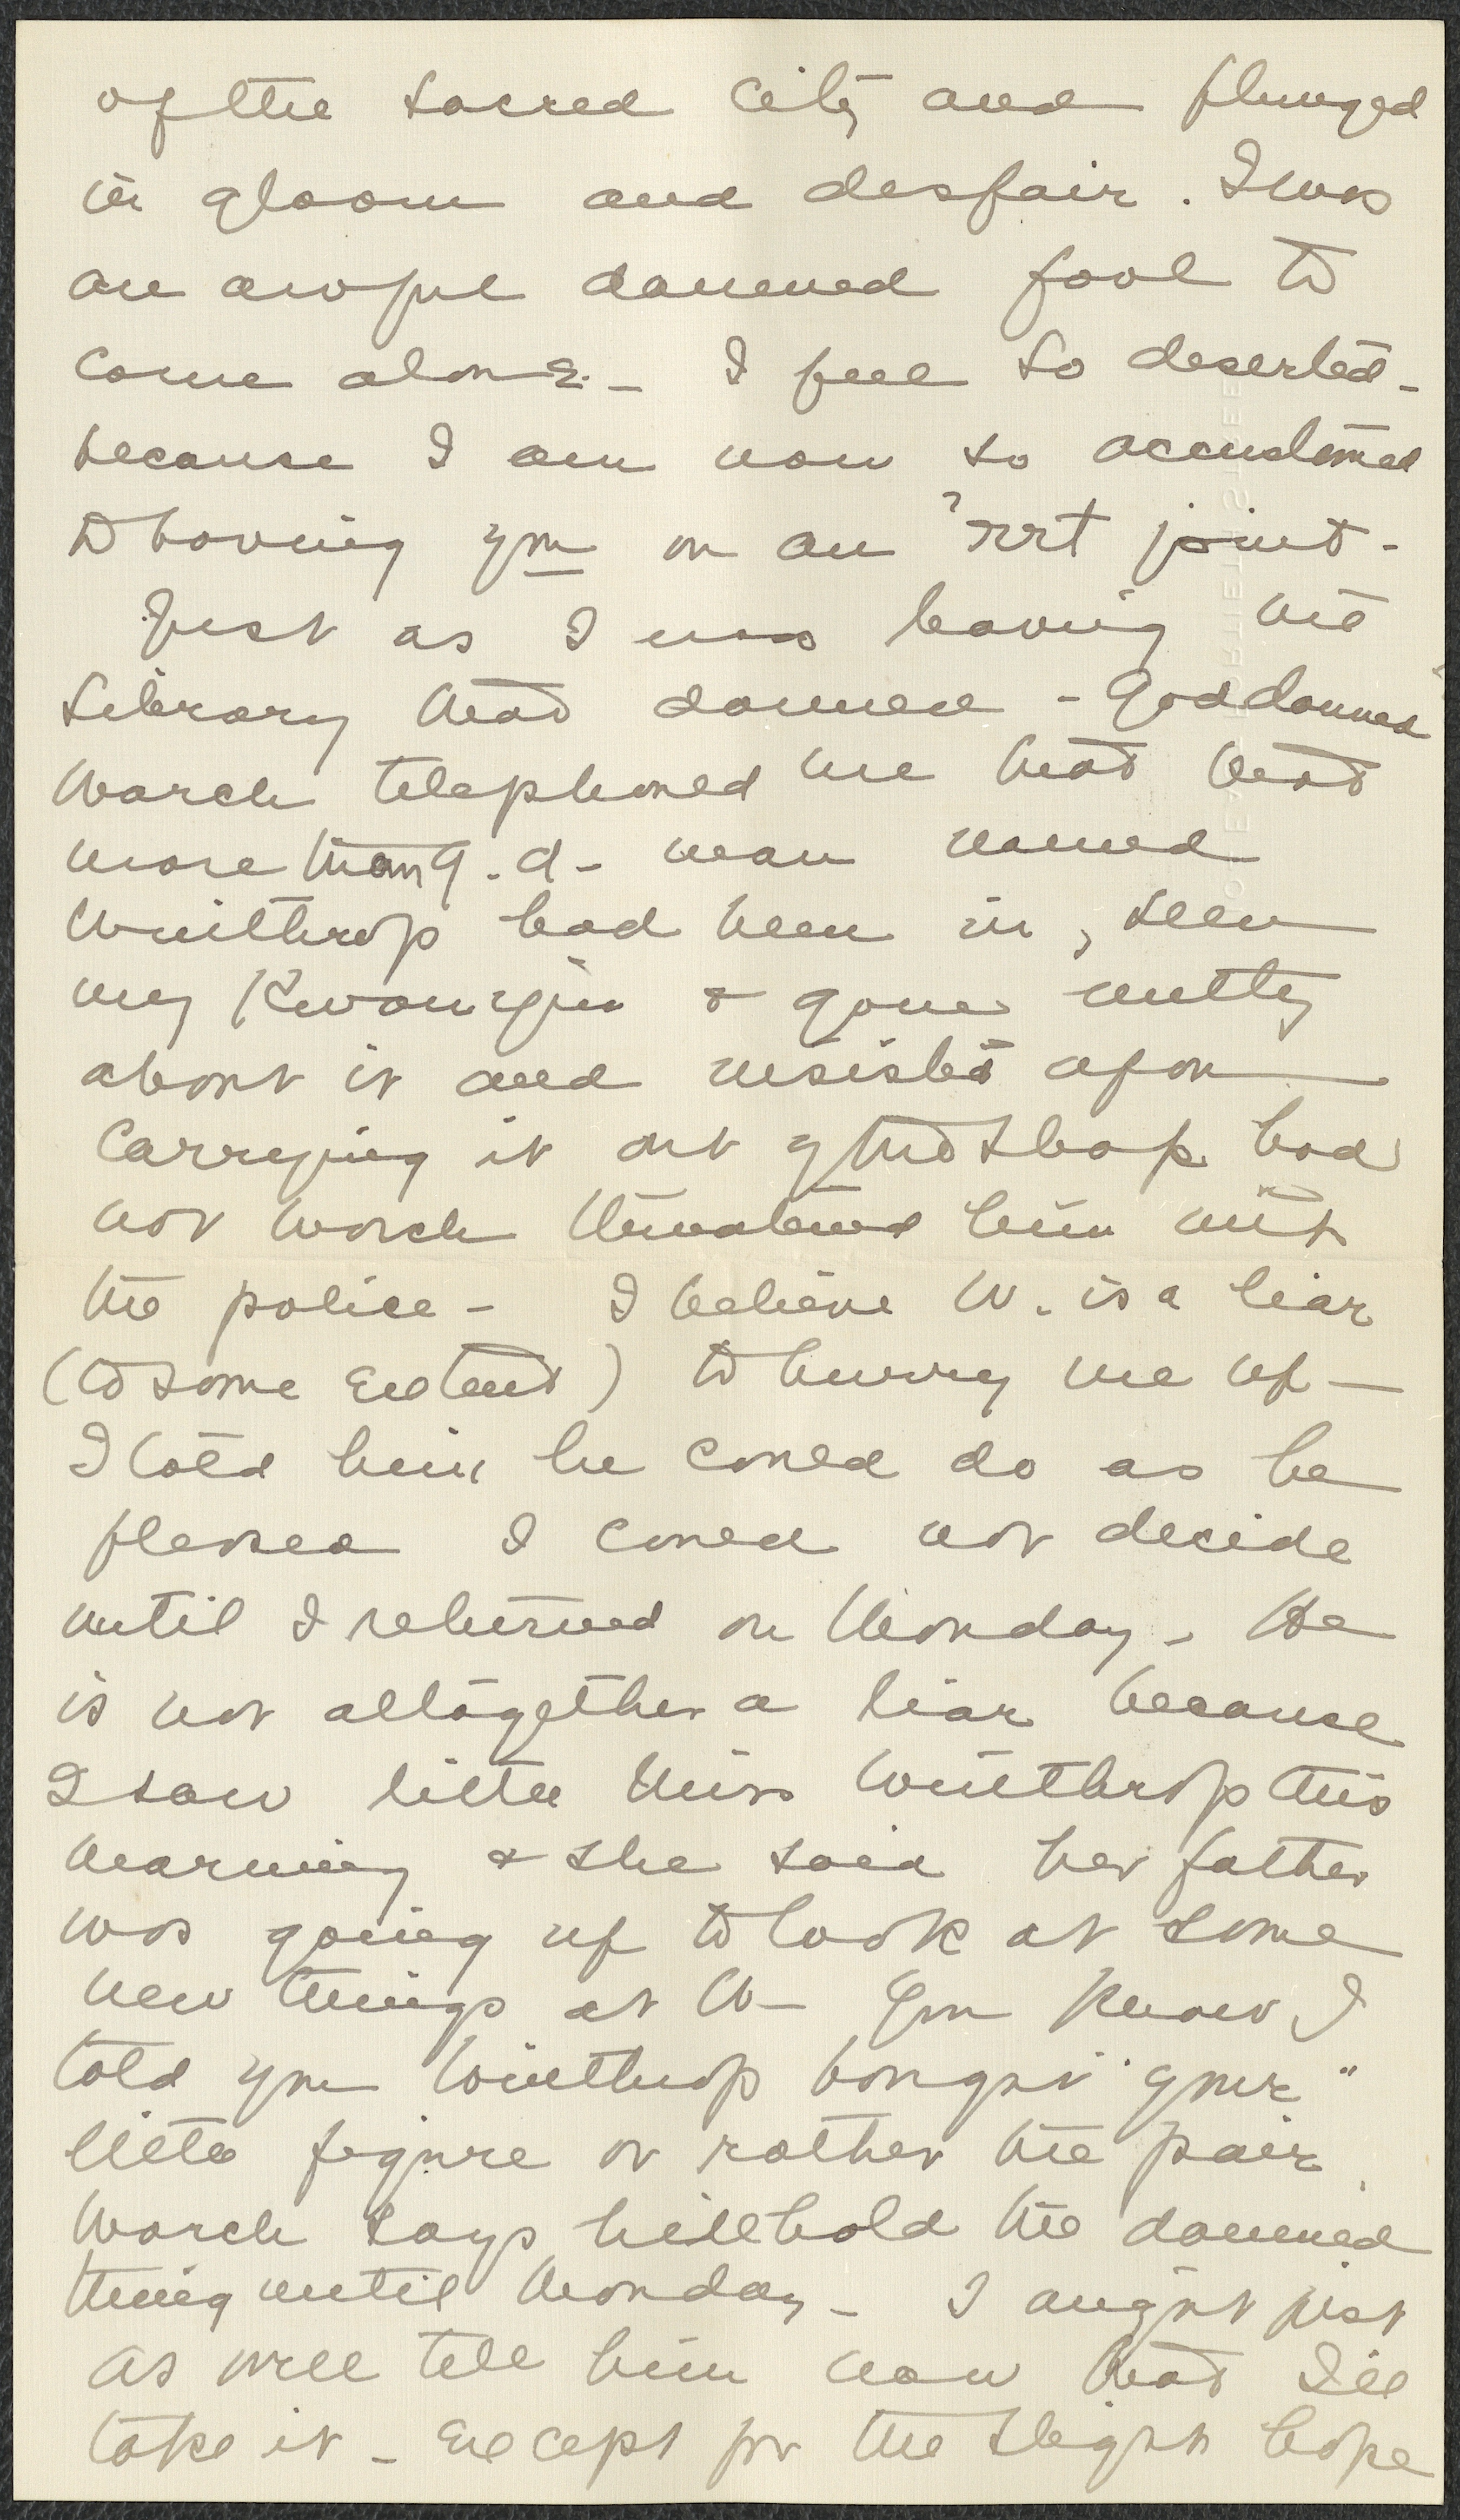of the sacred city and plunged in gloom and despair. I was an awful damned fool to come alone – I feel so deserted – because I am now so accustomed to having you on an ‘rrt joint –
Just as I was leaving the Library that damned – goddamned Worch telephoned me that that more than g.d. man named Winthrop had been in, seen my Kwan yin & gone nutty about it and insisted upon carrying it out of the shop had not Worch threatened him with the police – I believe W. is a liar (to some extent) to hurry me up – I told him he could do as he pleased I could not decide until I returned on Monday – He is not altogether a liar because I saw little Miss Winthrop this morning & she said her father was going up to look at some new things at W – You know I told you Winthrop bought “your” little figure or rather the pair. Worch says he’ll hold the damned thing until Monday – I aught just as well tell him now that I’ll take it – except for the slight hope